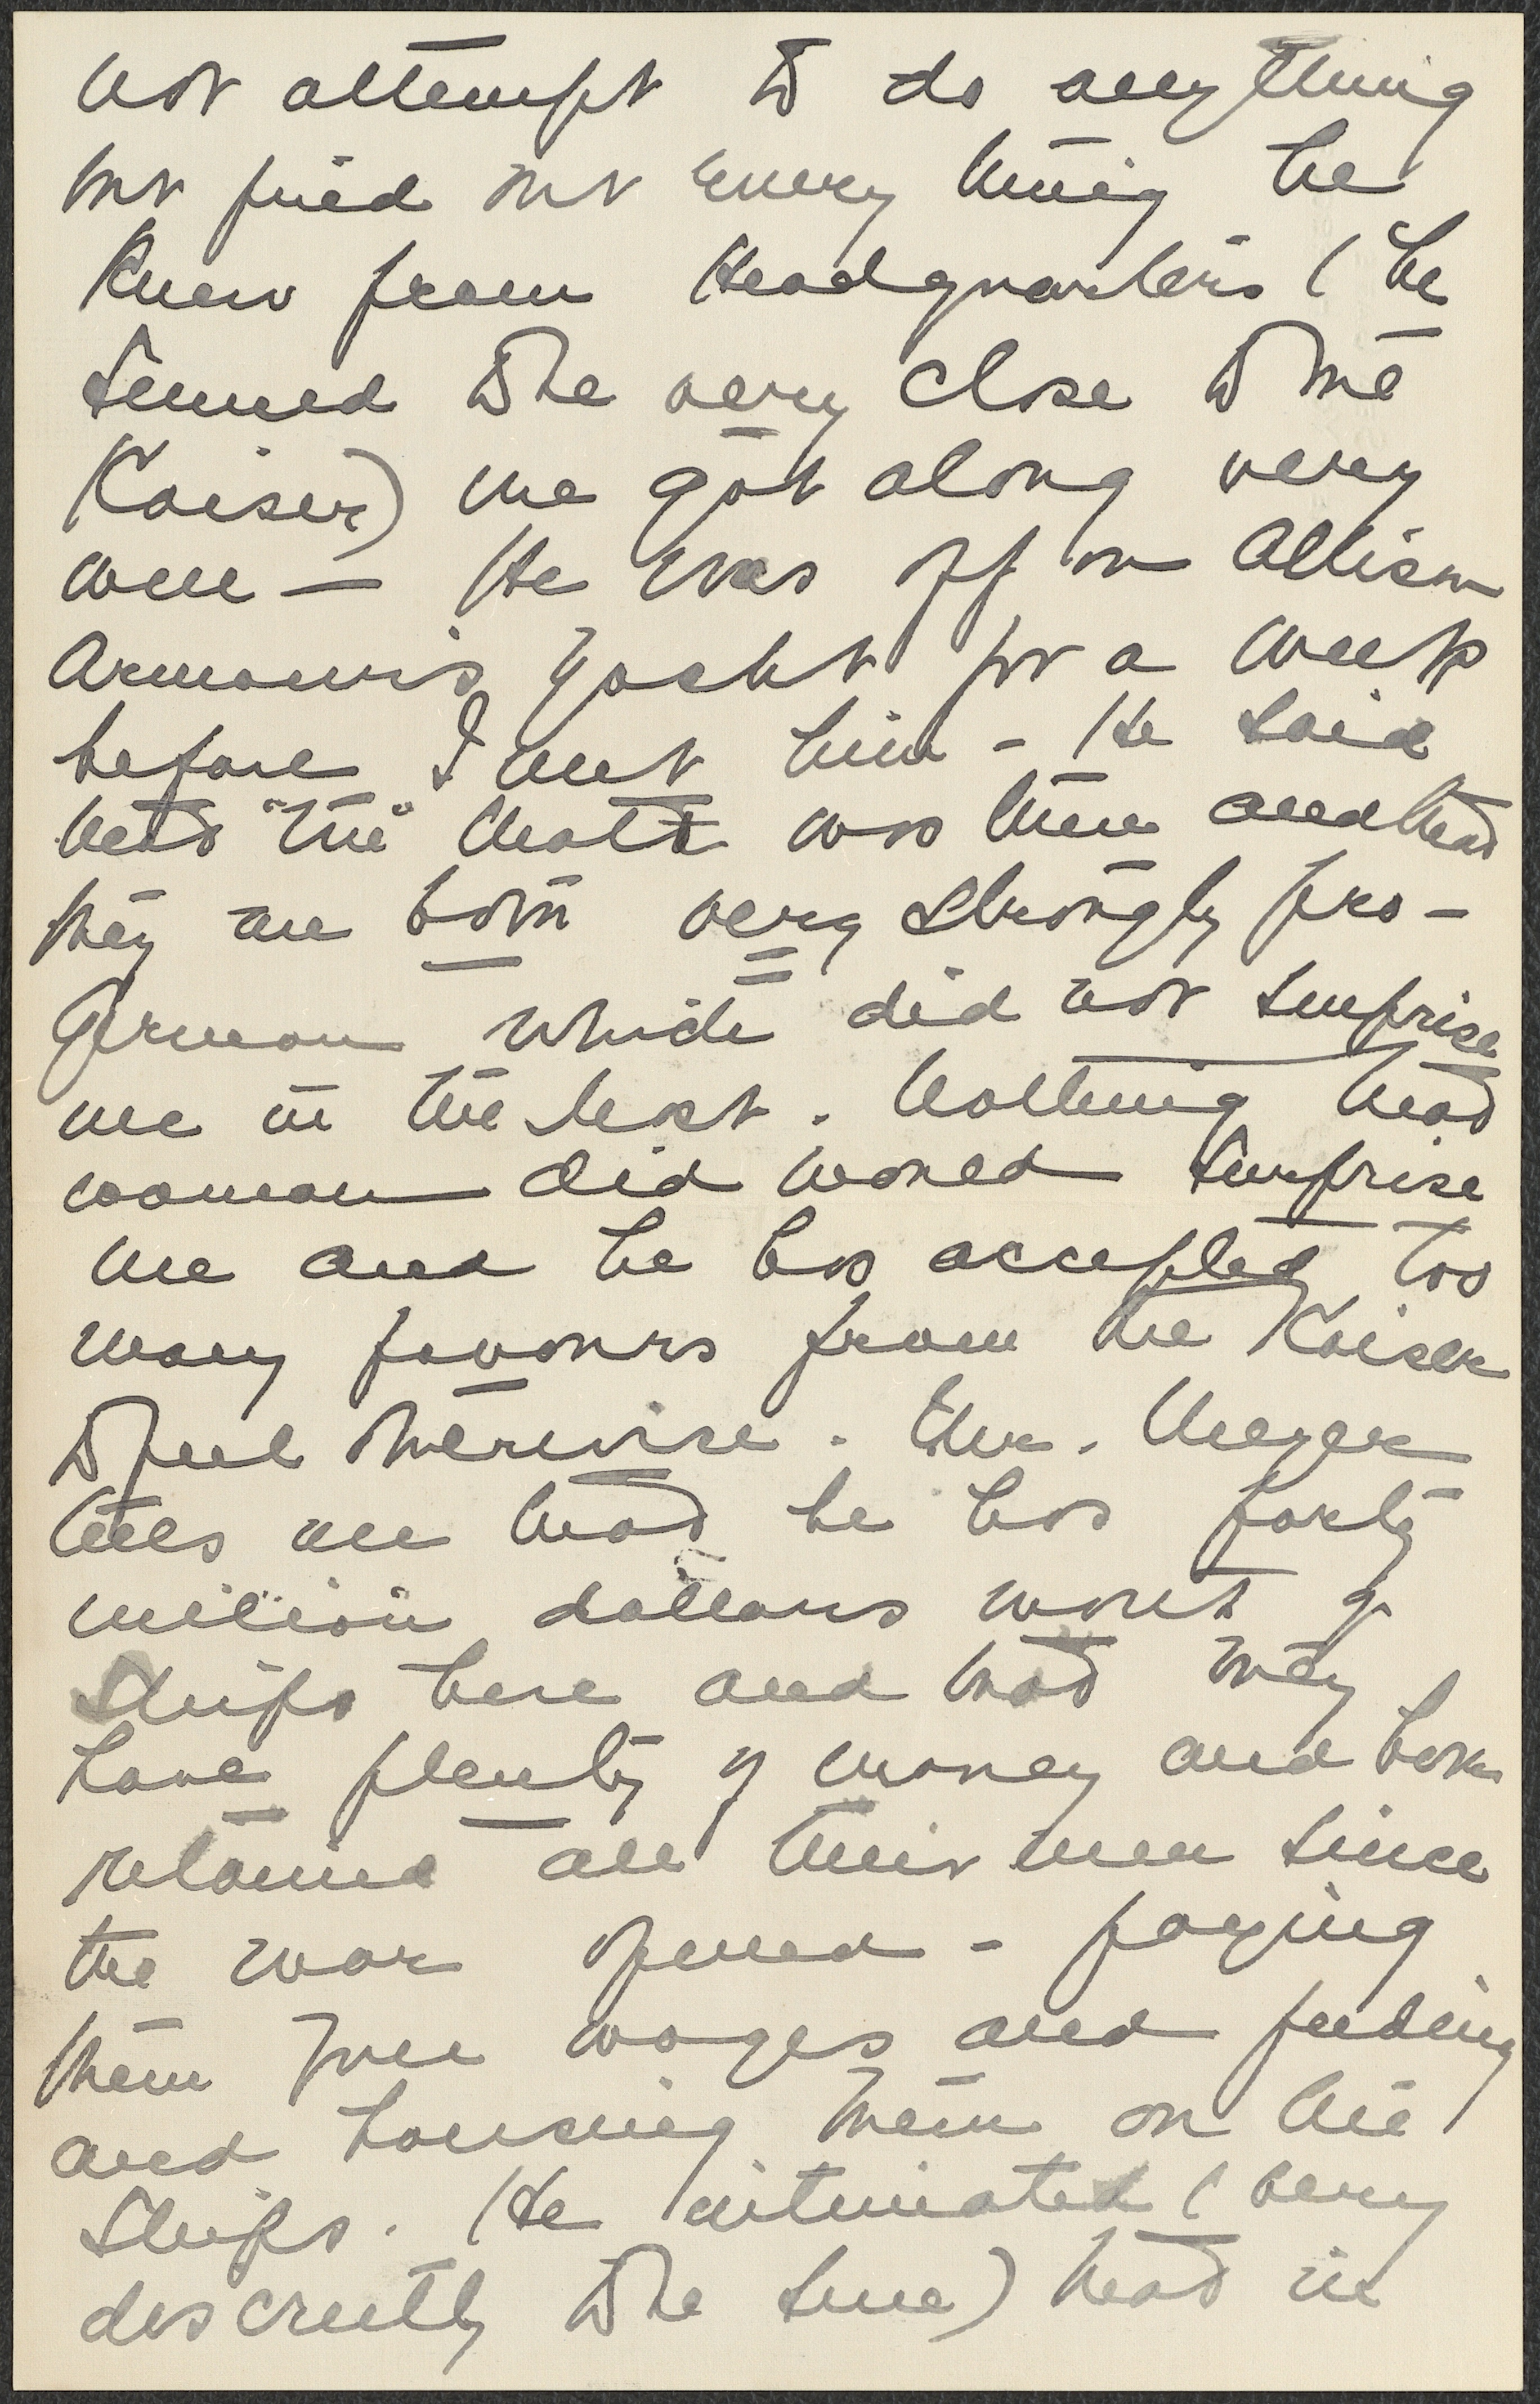not attempt to do anything but find out every thing he knew from Headquarters (he seemed to be very close to the Kaiser) we got along very well – He was off on Allison Armour’s yacht for a week before I met him – He said that “the” Mott was there and that they are both [double underlined: very] strongly pro-German which did not surprise me in the least. Nothing that woman did would surprise me and he has accepted too many favours from the Kaiser to feel otherwise. Mr. Meyer tells me that he has forty million dollars worth of ships here and that they have plenty of money and have retained all their men since the war opened – paying them full wages and feeding and housing them on the ships. He initiated (very discreetly to be sure) that in